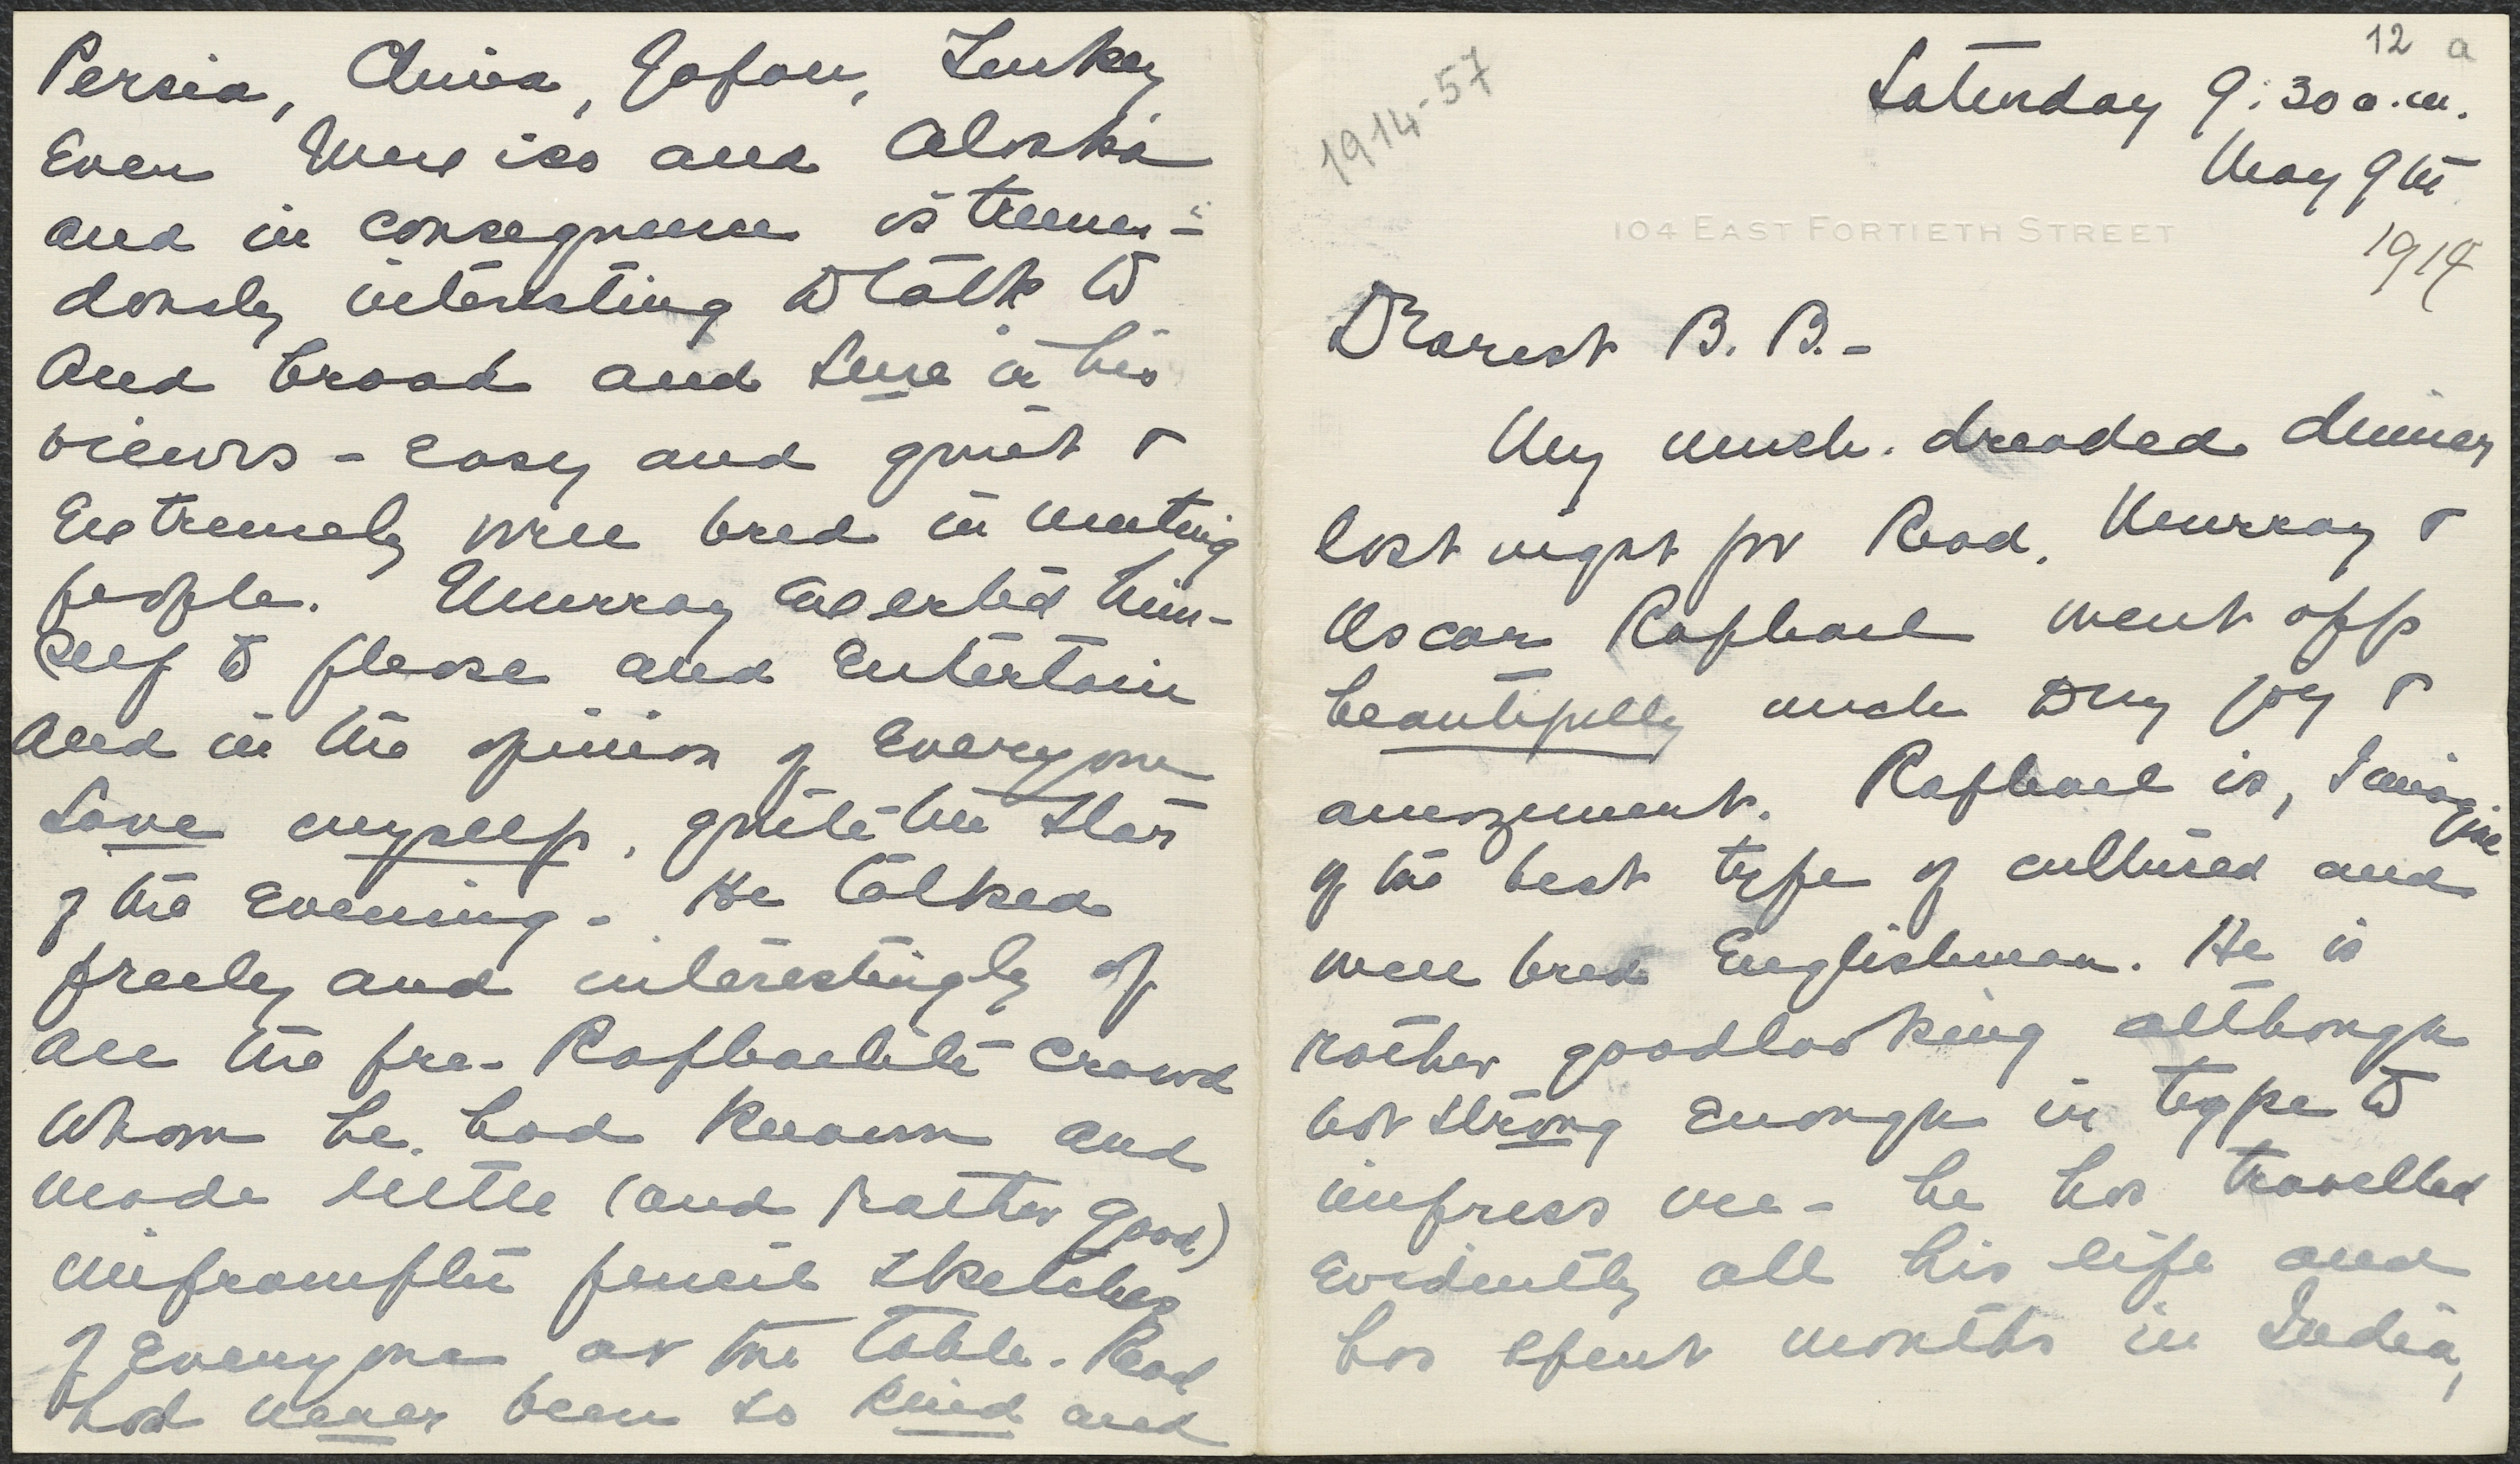Saturday 9:30 a.m.
May 9th
Dearest B.B. –
My much dreaded dinner last night for Read, Murray & Oscar Raphael went off beautifully much to my joy & amazement. Raphael is, I imagine of the best type of cultured and well bred Englishman. he is rather goodlooking although not strong enough in type to impress me – he has travelled evidently all his life and has spent months in India,
Persia, China, Japan, Turkey, even Mexico and Alaska and in consequence is tremendously interesting to talk to and broad and sure in his views – easy and quiet & extremely well bred in meeting people. Murray exerted himself to please and entertain and in the opinion of everyone save myself, quite the star of the evening. He talked freely and interestingly of all the pre-Raphaelite crowd whom he had known and made little (and rather good) impromptu pencil sketches of everyone, at the table. Read had never been so kind and